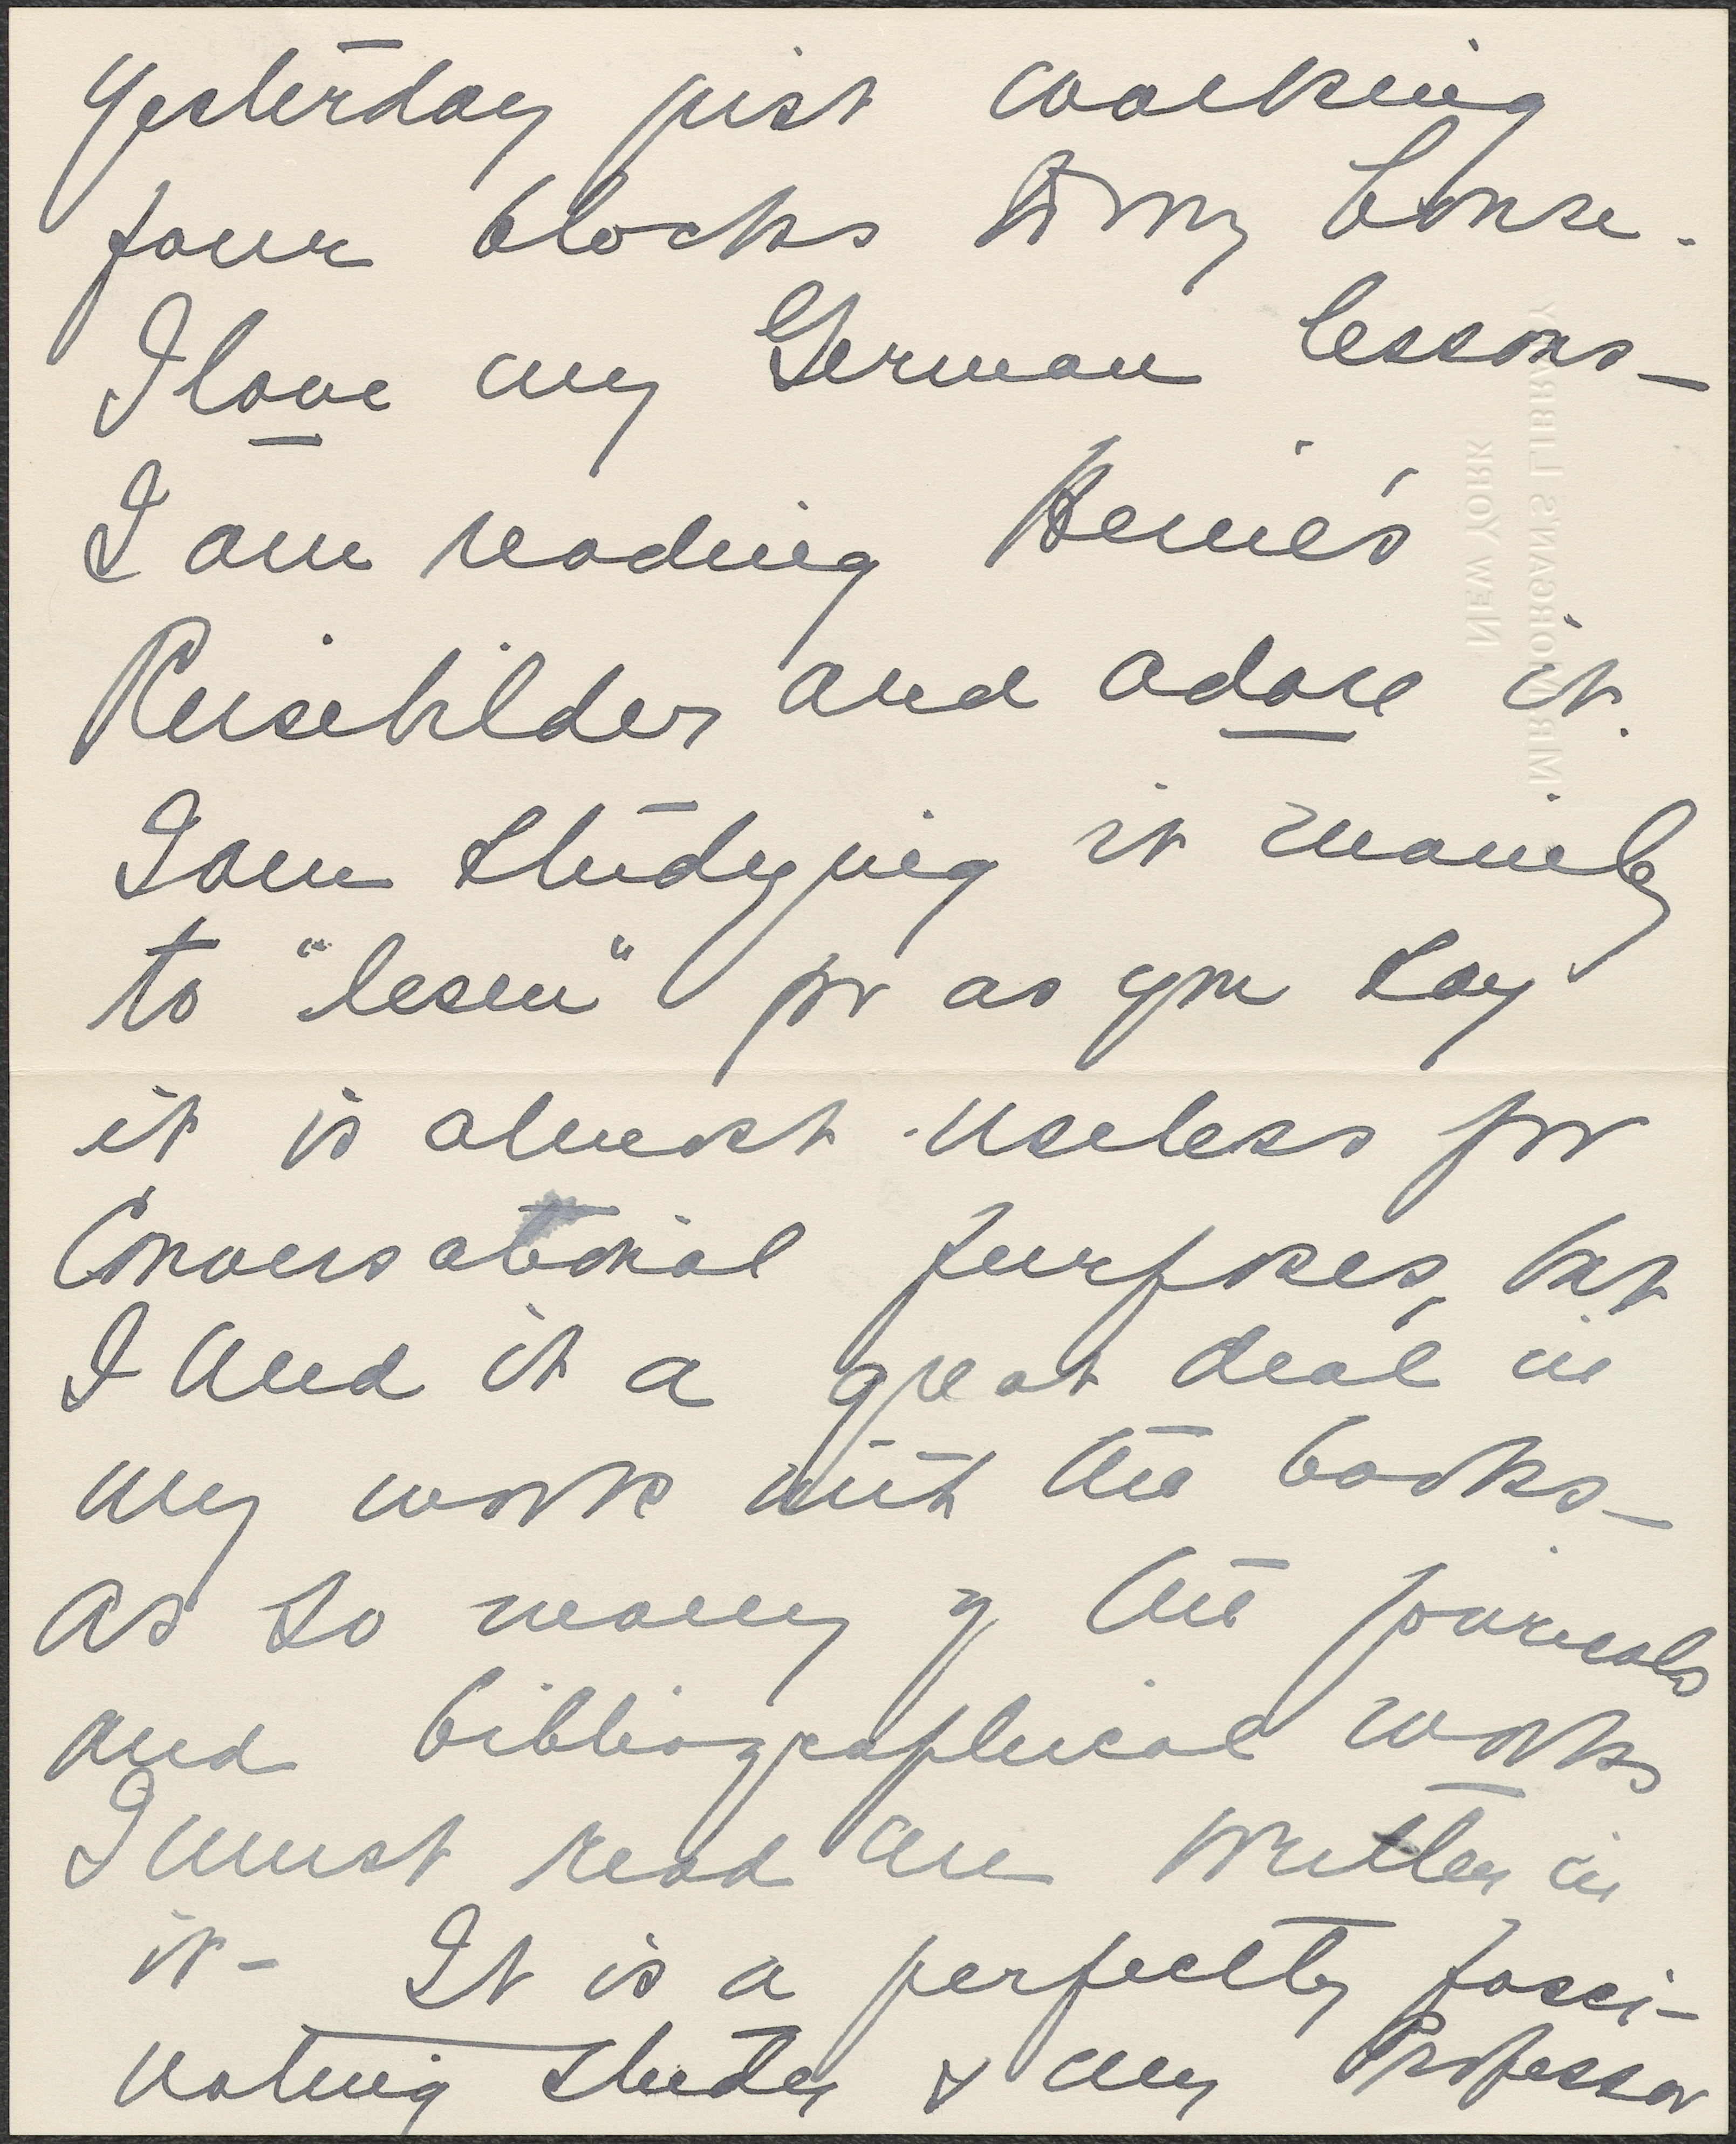yesterday just walking four blocks to my house – I love my German lessons – I am reading Heine’s Reisebilder and adore it. I am studying it mainly to “lesen” for as you say it is almost useless for conversational purposes, but I need it a great deal in my work with the books – as so many of the journals and bibliographical works I must read are written in it – It is a perfectly fascinating study & my Professor